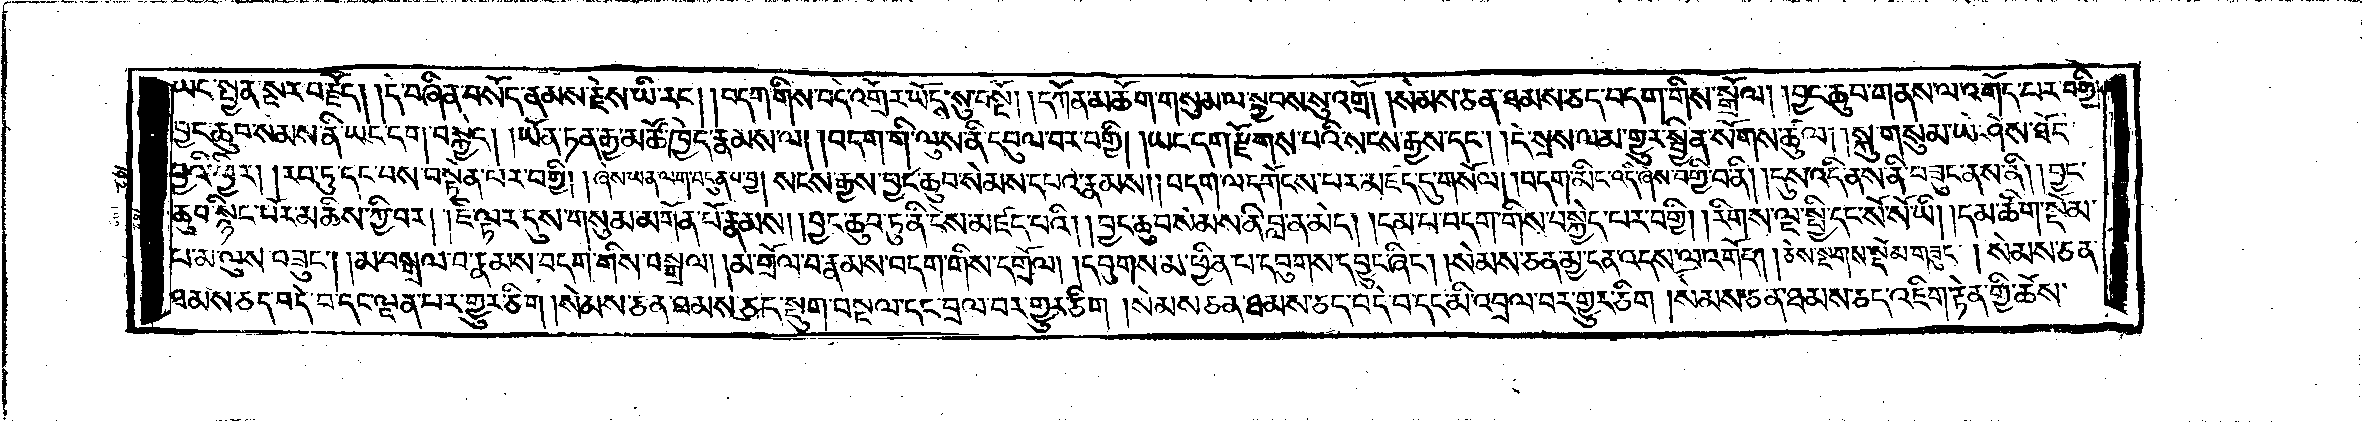ཡང་སྤྱན་སྔར་བརྗོད། །དེ་བཞིན་བསོད་ནམས་རྗེས་ཡི་རང་། །བདག་གིས་བདེ་འགྲོར་ཡོངས་སུ་བསྔོ། །དཀོན་མཆོག་གསུམ་ལ་སྐྱབས་སུ་འགྲོ། །སེམས་ཅན་ཐམས་ཅད་བདག་གིས་སྒྲོལ། །བྱང་ཆུབ་གནས་ལ་འགོད་པར་བགྱི་
བྱང་ཆུབ་སེམས་ནི་ཡང་ངག་བསྐྱེད། །ཡོན་ཏན་རྒྱ་མཚོ་ཁྱེད་རྣམས་ལ། །བདག་གི་ལུས་ནི་དབུལ་བར་བགྱི། །ཡང་དག་རྫོགས་པའི་སངས་རྒྱས་དང་། །དེ་སྲས་ལམ་གྱུར་སྦྱིན་སོགས་ཚུལ། །སྐུ་གསུམ་ཡེ་ཤེས་ཐོང་
བྱའི་ཕྱིར། །རབ་ཏུ་དང་བས་བསྟེན་པར་བགྱི། །ཞེས་ཡན་ལག་བདུན་པ་བྱ། སངས་རྒྱས་བྱང་ཆུབ་སེམས་དཔའ་རྣམས། །བདག་ལ་དགོངས་པར་མཛད་དུ་གསོལ། །བདག་མིང་འདི་ཞེས་བགྱི་བ་ནི། །དུས་འདི་ནས་ནི་བཟུང་ནས་ནི། །བྱང་
ཆུབ་སྙིང་པོར་མཆིས་ཀྱི་བར། །ཇི་ལྟར་དུས་གསུམ་མགོན་པོ་རྣམས། །བྱང་ཆུབ་ཏུ་ནི་ངེས་མཛད་པའི། །བྱང་ཆུབ་སེམས་ནི་བླ་ན་མེད། །དམ་པ་བདག་གིས་བསྐྱེད་པར་བགྱི། །རིགས་ལྔ་སྤྱི་དང་སོ་སོ་ཡི། །དམ་ཚིག་སྡོམ་
པ་མ་ལུས་བཟུང་། །མ་བསྒྲལ་བ་རྣམས་བདག་གིས་བསྒྲལ། །མ་གྲོལ་བ་རྣམས་བདག་གིས་དགྲོལ། །དབུགས་མ་ཕྱིན་པ་དབུགས་དབྱུང་ཞིང་། །སེམས་ཅན་མྱ་ངན་འདས་ལ་འགོད། །ཅེས་སྔགས་སྡོམ་གཟུང་། སེམས་ཅན་
ཐམས་ཅད་བདེ་བ་དང་ལྡན་པར་གྱུར་ཅིག །སེམས་ཅན་ཐམས་ཅད་སྡུག་བསྔལ་དང་བྲལ་བར་གྱུར་ཅིག །སེམས་ཅན་ཐམས་ཅད་བདེ་བ་དང་མི་འབྲལ་བར་གྱུར་ཅིག །སེམས་ཅན་ཐམས་ཅད་འཇིག་རྟེན་གྱི་ཆོས་